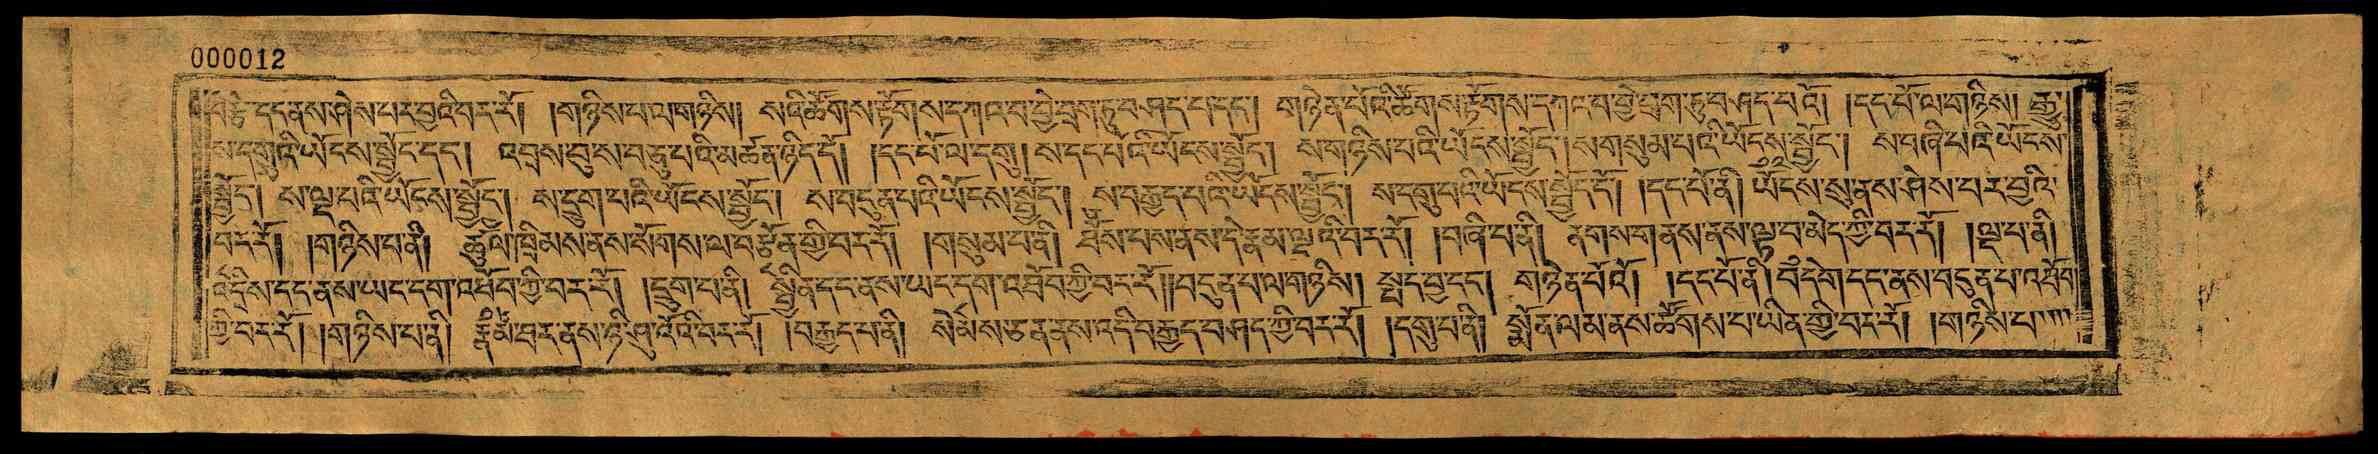བརྩེ་དང་ནས་ཤེས་པར་བྱའི་བར་རོ། །གཉིས་པ་ལ་གཉིས། སའི་ཚོགས་རྟོགས་དཀའ་བ་བྱེ་བྲག་ཏུ་བཤད་པ་དང་། གཉེན་པོའི་ཚོགས་རྟོགས་དཀའ་བ་བྱེ་བྲག་ཏུ་བཤད་པའོ། །དང་པོ་ལ་གཉིས། རྒྱུ་
ས་དགུའི་ཡོངས་སྦྱོང་དང་། འབྲས་བུ་ས་བཅུ་པའི་མཚན་ཉིད་དོ། །དང་པོ་ལ་དགུ། ས་དང་པོའི་ཡོངས་སྤྱོད། ས་གཉིས་པའི་ཡོངས་སྦྱོང་། ས་གསུམ་པའི་ཡོང་སྦྱོང་། ས་བཞི་པའི་ཡོངས་
སྦྱོང་། །ས་ལྔ་པའི་ཡོངས་སྦྱོང་། ས་དྲུག་པའི་ཡོངས་སྦྱོང་། ས་བདུན་པའི་ཡོངས་སྦྱོང་། །ས་བརྒྱས་པའི་ཡོངས་སྦྱོང་། ས་དགུ་པའི་ཡོངས་སྦྱོང་ངོ། །དང་པོ་ནི། ཡོངས་སུ་ནས་ཤེས་པར་བྱའི་
བར་རོ། །གཉིས་པ་ནི། ཚུལ་ཁྲིམས་ནས་སོགས་ལ་བརྩོན་གྱི་བར་རོ། །གསུམ་པ་ནི། ཐོས་པས་ནས་དེ་རྣམ་ལྔའི་བར་རོ། །བཞི་པ་ནི། ནགས་གནས་ནས་ལྟ་བ་མེད་ཀྱི་བར་རོ། །ལྔ་པ་ནི།
འདྲིས་དང་ནས་ཡང་དག་འཐོབ་ཀྱི་བར་རོ། །དྲུག་པ་ནི། སྦྱིན་དང་ནས་ཡང་དག་འཐོབ་ཀྱི་བར་རོ། །བདུན་པ་ལ་གཉིས། སྤང་བྱ་དང་། གཉེན་པོའོ། །དང་པོ་ནི། བདག་དང་ནས་བདུན་པ་འཐོབ་
ཀྱི་བར་རོ། །གཉིས་པ་ནི། རྣམ་ཐར་ནས་ཉི་ཤུ་འོའི་བར་རོ། །བརྒྱད་པ་ནི། སེམས་ཅན་ནས་འདི་བརྒྱད་བཤད་ཀྱི་བར་རོ། །དགུ་པ་ནི། སྨོན་ལམ་ནས་ཚོགས་པ་ཡིན་གྱི་བར་རོ། །གཉིས་པ་